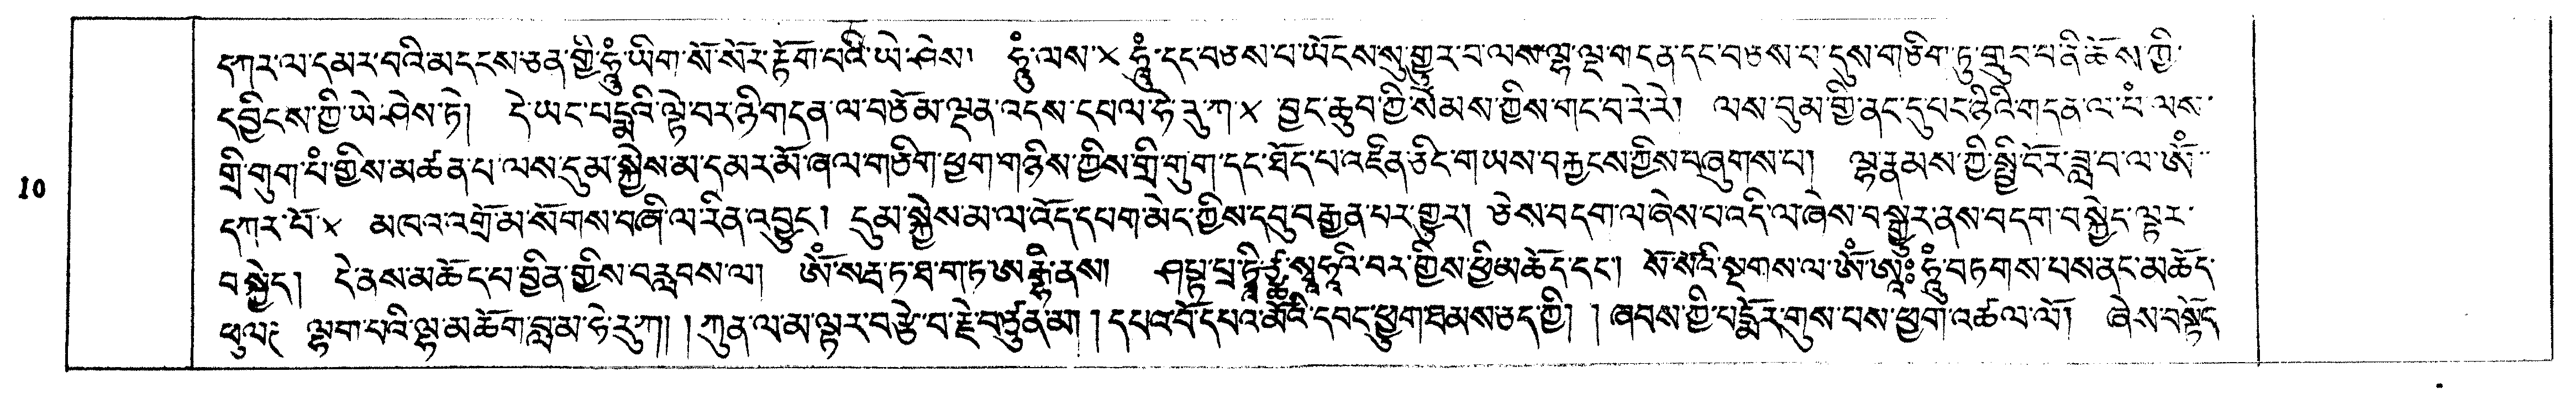དཀར་ལ་དམར་བའི་མདངས་ཅན་གྱི་ཧཱུཾ་ཡིག་སོ་སོར་རྟོག་པའི་ཡེ་ཤེས། ཧཱུཾ་ལས་྾་ཧཱུཾ་དང་བཅས་པ་ཡོངས་སུ་གྱུར་བ་ལས་ལྷ་ལྔ་གདན་དང་བཅས་པ་དུས་གཅིག་ཏུ་གྲུབ་པ་ནི་ཆོས་ཀྱི་
དབྱིངས་ཀྱི་ཡེ་ཤེས་ཏེ། དེ་ཡང་པདམའི་ལྟེ་བར་ཉི་གདན་ལ་བཅོམ་ལྡན་འདས་དཔལ་ཧེ་རུ་ཀ྾་བྱང་ཆུབ་ཀྱི་སེམས་ཀྱིས་གང་བ་རེ་རེ། ལས་བུམ་གྱི་ནང་དུ་པང་ཉིའི་གདན་ལ་པཾ་ལས་
གྲི་གུག་པཾ་གྱིས་མཚན་པ་ལས་དུམ་སྐྱེས་མ་དམར་མོ་ཞལ་གཅིག་ཕྱག་གཉིས་ཀྱིས་གྲི་གུག་དང་ཐོད་པ་འཛིན་ཅིང་གཡས་བརྐྱངས་ཀྱིས་བཞུགས་པ། ལྷ་རྣམས་ཀྱི་སྤྱི་བོར་ཟླ་བ་ལ་ཨོཾ་
དཀར་པོ་྾་མཁའ་འགྲོ་མ་སོགས་བཞི་ལ་རིན་འབྱུང་། དུམ་སྐྱེས་མ་ལ་འོད་དཔག་མེད་ཀྱིས་དབུ་བརྒྱན་པར་གྱུར། ཅེས་བདག་ལ་ཞེས་པ་འདི་ལ་ཞེས་བསྒྱུར་ནས་བདག་བསྐྱེད་ལྟར་
བསྐྱེད། དེ་ནས་མཆོད་པ་བྱིན་གྱིས་བརླབས་ལ། ཨོཾ་སརྦ་ཏ་ཐ་ག་ཏ་ཨརྒྷི་ནས། ཤཔྟ་པྲ་ཏཱི་ཙྪ་སྭཱ་ཧཱའི་བར་གྱིས་ཕྱི་མཆོད་དང་། སོ་སོའི་སྔགས་ལ་ཨོཾ་ཨཱཿ ཧཱུཾ་བཏགས་པས་ནང་མཆོད་
ཕུལ༑ ལྷག་པའི་ལྷ་མཆོག་བླ་མ་ཧེ་རུ་ཀ། །ཀུན་ལ་མ་ལྟར་བརྩེ་བ་རྗེ་བཙུན་མ། །དཔའ་བོ་དཔའ་མོའི་དབང་ཕྱུག་ཐམས་ཅད་ཀྱི། །ཞབས་ཀྱི་པདམོར་གུས་པས་ཕྱག་འཚལ་ལོ། ཞེས་བསྟོད་